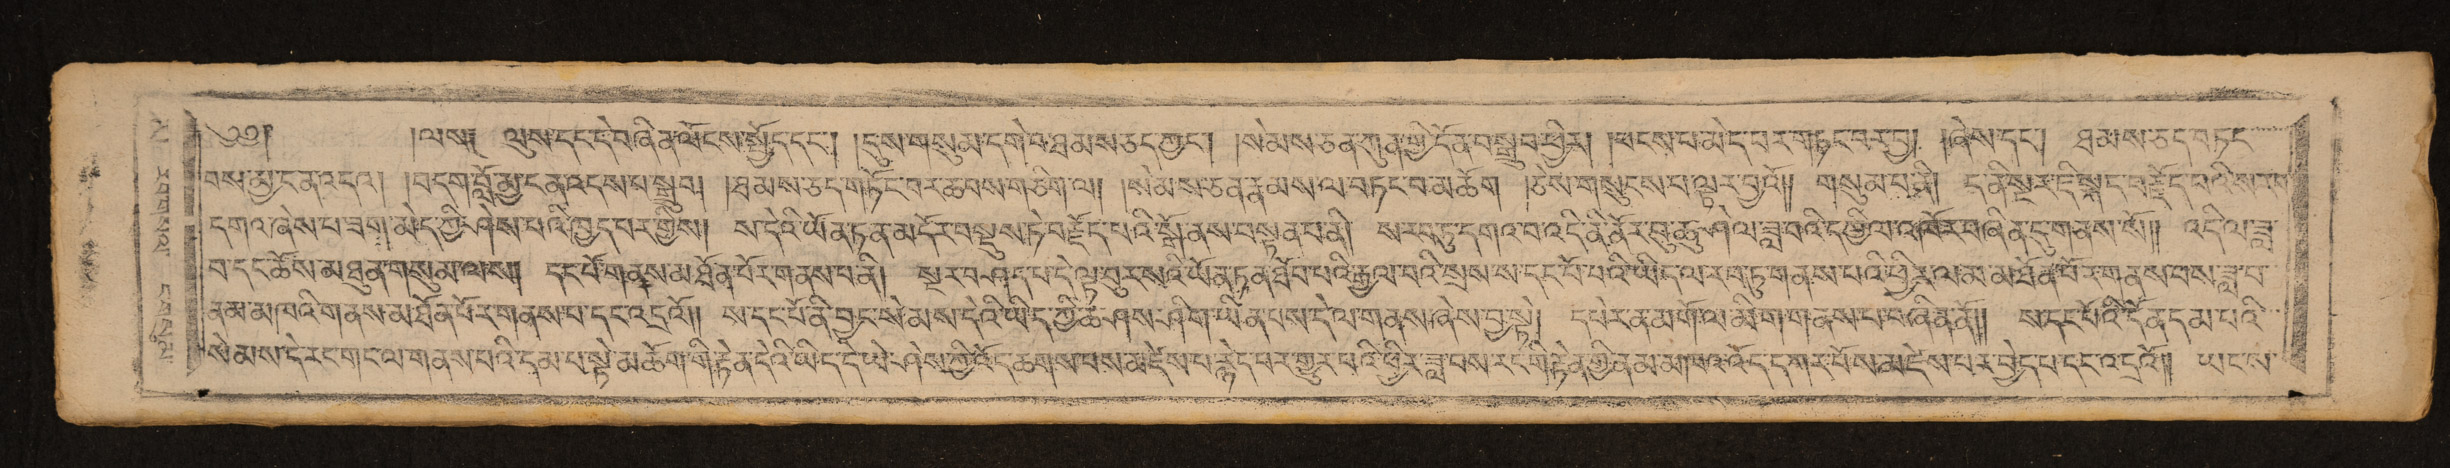༄༅། །ལས༑ ལུས་དང་དེ་བཞིན་ལོངས་སྤྱོད་དང་། དུས་གསུམ་དགེ་བ་ཐམས་ཅད་ཀྱང་། །སེམས་ཅན་ཀུན་གྱི་དོན་བསྒྲུབ་ཕྱིར། །ཕངས་པ་མེད་པར་གཏང་བར་བྱ། །ཞེས་དང་། ཐམས་ཅད་བཏང་
བས་མྱ་ངན་འདའ། །བདག་བློ་མྱ་ངན་འདས་པ་སྒྲུབ། །ཐམས་ཅད་གཏོང་བར་ཆབས་གཅིག་ལ། །སེམས་ཅན་རྣམས་ལ་བཏང་བ་མཆོག །ཅེས་གསུངས་པ་ལྟར་བྱའོ།། གསུམ་པ་ནི། ད་ནི་སྔར་ཇི་སྐད་བརྗོད་པའི་ས་རབ་
དགའ་ཞེས་པ་ཟག་མེད་ཀྱི་ཤེས་པའི་ཁྱད་པར་གྱིས། ས་དེའི་ཡོན་ཏན་མདོར་བསྡུས་ཏེ་བརྗོད་པའི་སྒོ་ནས་བསྟན་པ་ནི། ས་རབ་ཏུ་དགའ་བ་འདི་ནི་ནོར་བུ་ཆུ་ཤེལ་ཟླ་བའི་དཀྱིལ་འཁོར་བཞིན་དུ་གནས་སོ།། འདི་ལ་ཟླ་
བ་དང་ཆོས་མཐུན་གསུམ་ལས། དང་པོ་གནས་མཐོན་པོར་གནས་པ་ནི། སྔར་བཤད་པ་དེ་ལྟ་བུར་སའི་ཡོན་ཏན་ཐོབ་པའི་རྒྱལ་བའི་སྲས་ས་དང་པོ་བའི་ཡིད་ལ་རབ་ཏུ་གནས་པའི་ཕྱིར་ལམ་མཐོན་པོར་གནས་པས་ཟླ་བ་
ནམ་ཁའི་གནས་མཐོན་པོར་གནས་པ་དང་འདྲའོ།། ས་དང་པོ་ནི་བྱང་སེམས་དེའི་ཡིད་ཀྱི་ཆ་ཤས་ཤིག་ཡིན་པས་དེ་ལ་གནས་ཞེས་བྱ་སྟེ། དཔེར་ན་མགོ་ལ་མིག་གནས་པ་བཞིན་ནོ།། ས་དང་པོའི་དོན་དམ་པའི་
སེམས་དེ་རང་གང་ལ་གནས་པའི་དམ་པ་སྟེ་མཆོག་གི་རྟེན་དེའི་ཡིད་དེ་ཡེ་ཤེས་ཀྱི་འོད་ཆགས་པས་མཛེས་པ་རྙེད་པར་གྱུར་པའི་ཕྱིར་ཟླ་བས་རང་གི་རྟེན་གྱི་ནམ་མཁའ་འོད་དཀར་པོས་མཛེས་པར་བྱེད་པ་དང་འདྲའོ།། ཡང་ས་